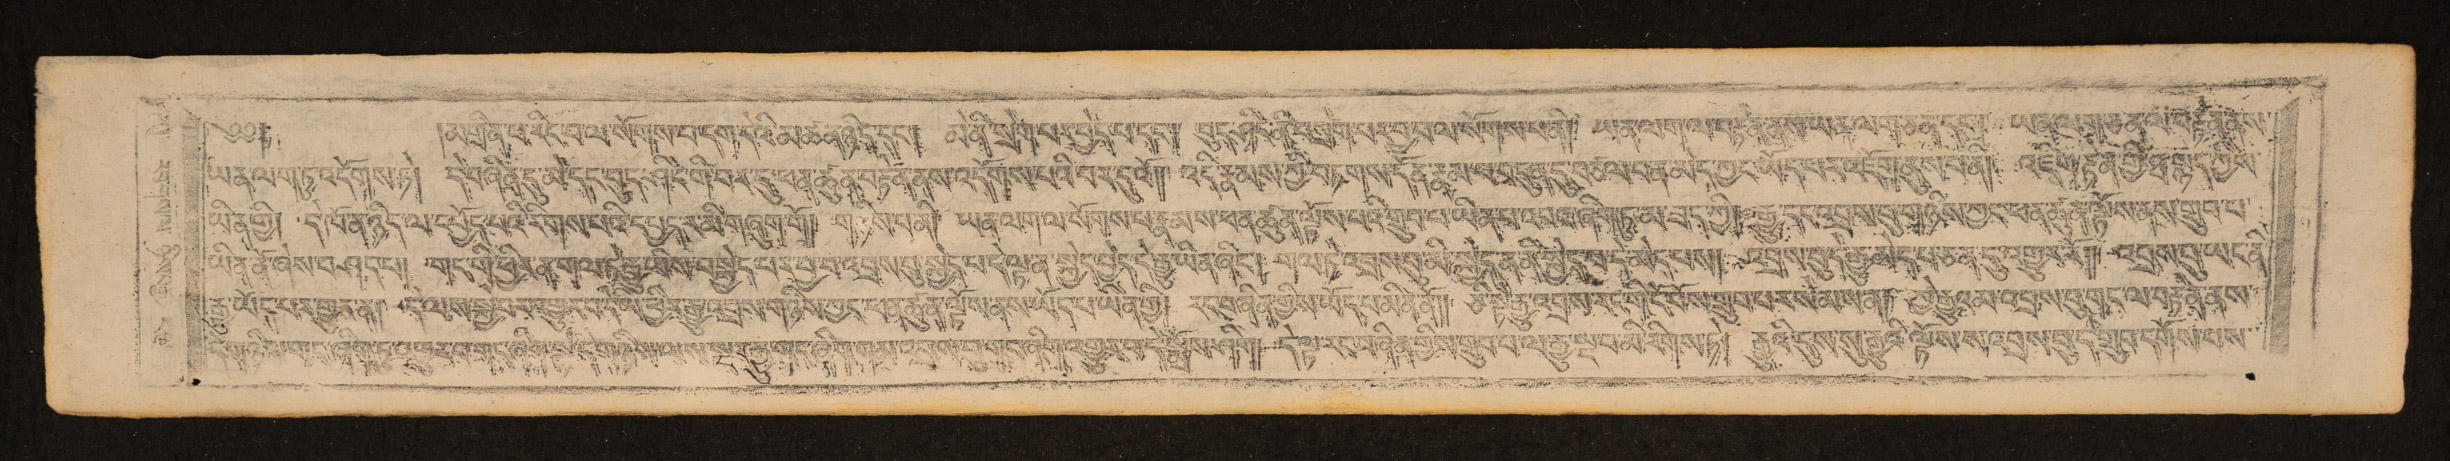༄༅། །མགྲིན་པ་རིང་བ་ལ་སོགས་པ་དག་དེའི་མཚན་ཉིད་དང་། མེ་ནི་སྲེག་པར་བྱེད་པ་དང་། བུད་ཤིང་ནི་བསྲེག་པར་བྱ་བ་ལ་སོགས་པ་ནི། ཡན་ལག་ལ་བརྟེན་ནས་ཡན་ལག་ཅན་དང་། ཡན་ལག་ཅན་ལ་བརྟེན་ནས་
ཡན་ལག་ཏུ་འདོགས་ཏེ། དེ་བཞིན་དུ་མེ་དང་བུད་ཤིང་གི་བར་དུ་ཕན་ཚུན་བརྟེན་ནས་འདོགས་པའི་བར་དུའོ།། འདི་རྣམས་ཀྱི་བཏགས་དོན་རྣམ་པ་བདུན་དུ་བཙལ་བ་ན་མེད་ཀྱང་ཡོད་པར་འཇོག་ནུས་པ་ནི། འཇིག་རྟེན་གྱི་ཐ་སྙད་ཀྱིས་
ཡིན་གྱི། དེ་ཁོ་ན་ཉིད་ལ་དཔྱོད་པའི་རིགས་པའི་དཔྱད་པ་མི་གཞུག་གོ། གཉིས་པ་ནི། ཡན་ལག་ལ་སོགས་པ་རྣམས་ཕན་ཚུན་ལྟོས་པའི་གྲུབ་པ་ཡིན་པ་འབའ་ཞིག་ཏུ་མ་ཟད་ཀྱི། རྒྱུ་དང་འབྲས་བུ་གཉིས་ཀྱང་ཕན་ཚུན་ལྟོས་ནས་གྲུབ་པ་
ཡིན་ནོ་ཞེས་བཤད་པ། གང་གི་ཕྱིར་ན་གལ་ཏེ་རྒྱུ་ཡིས་བསྐྱེད་པར་བྱ་བ་འབྲས་བུ་སྐྱེད་པ་དེ་ལྟ་ན་སྐྱེད་བྱེད་དེ་རྒྱུ་ཡིན་ཞིང་། གལ་ཏེ་འབྲས་བུ་མི་སྐྱེད་ན་ནི་སྐྱེད་པ་དེ་མེད་པས། འབྲས་བུ་དེ་རྒྱུ་མེད་པ་ཅན་དུ་འགྱུར་རོ།། འབྲས་བུ་ཡང་ནི་
རྒྱུ་ཡོད་པར་གྱུར་ན། དེ་ལས་སྐྱེ་བར་འགྱུར་བ་དེ་ཡི་ཕྱིར་རྒྱུ་འབྲས་གཉིས་ཀྱང་ཕན་ཚུན་ལྟོས་ནས་ཡོད་པ་ཡིན་གྱི། རང་བཞིན་གྱིས་ཡོད་པ་མིན་ནོ།། ཅི་སྟེ་རྒྱུ་འབྲས་རང་གི་ངོ་བོས་གྲུབ་པར་སེམས་ན། ཀྱེ་རྒྱུའམ་འབྲས་བུ་གང་ལ་བརྟེན་ནས་
དེ་གཉིས་གང་ཞིག་ཏུ་འགྱུར་བ་གང་ཞིག་སྟེ་དེ་གཉིས་ལས་སྔར་རྒྱུ་གང་ཞིག་གམ་འབྲས་བུ་གང་ཞིག་འགྱུར་བ་དེ་སྨྲོས་ཤིག། དེ་ལྟ་རང་བཞིན་གྱིས་གྲུབ་པ་ལ་རྒྱུ་སྔ་བ་མི་རིགས་ཏེ། རྒྱུའི་དུས་སུ་རྒྱུའི་ལྟོས་ས་འབྲས་བུ་དེ་གྲུབ་དགོས་པས་